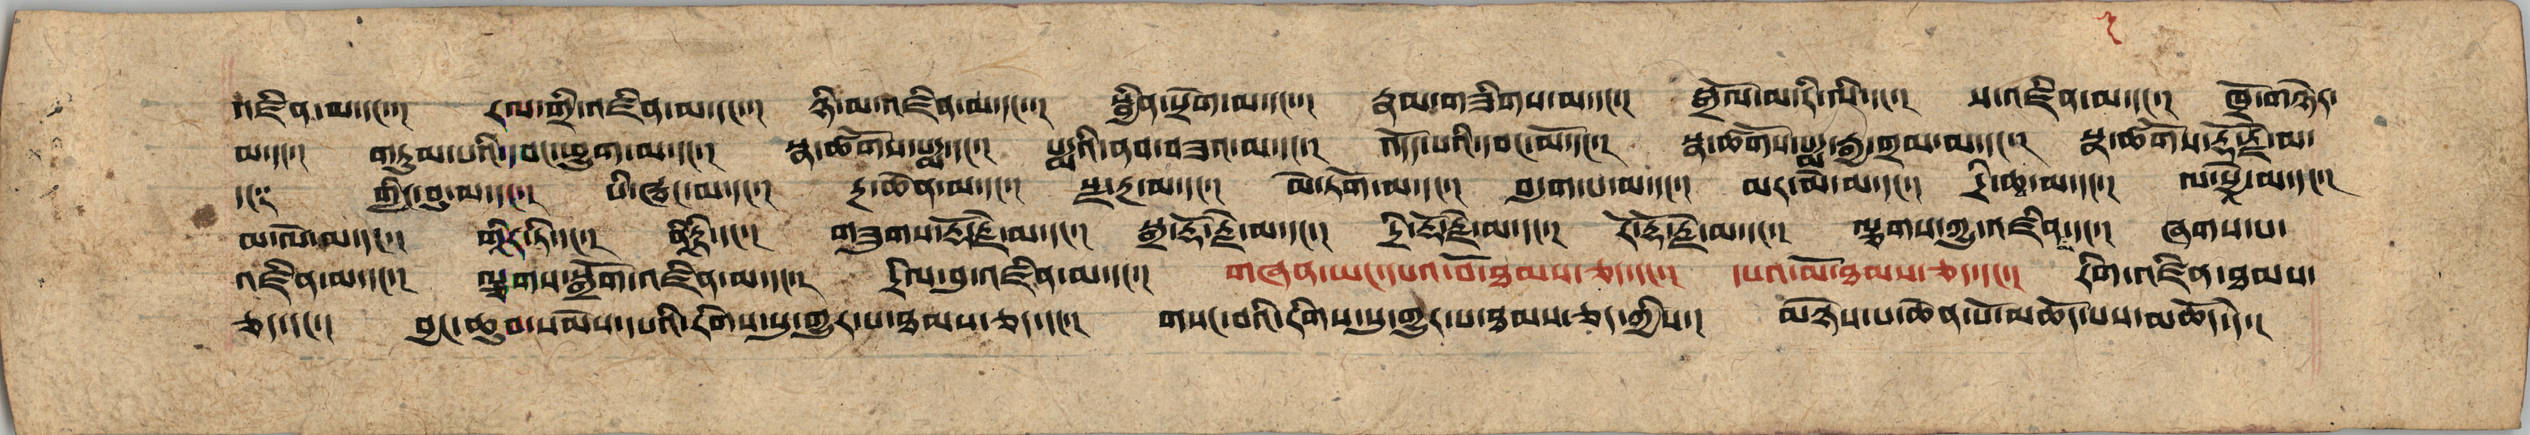འཛིན་མ་དང་་། རལ་གྲི་འཛིན་མ་དང་་། ཉི་མ་འཛིན་མ་དང་་། སྦྱིན་སྲེག་མ་དང་་། རྣམ་གཟིགས་མ་་དང་་། སྒྲོལ་མ་རི་ལི་དང་་། ས་འཛིན་མ་དང་་། ཁྲོ་གཉེར་
མ་དང་། གཏུམ་པའི་དབང་ཕྱུག་མ་དང་། སྣ་ཚོགས་པདྨ་དང་། པདྨའི་ནབ་བཟའ་མ་དང་། འདོད་པའིདབང་མོ་དང་། སྣ་ཚོགས་པདྨ་རྒྱ་གྲམ་མ་དང་། སྣ་ཚོགས་རྡོ་རྗེ་མ་
དང༑ གླིང་བུ་མ་དང་་། པི་ཝང་མ་དང་་། རྔ་ཆེན་མ་དང་། སྫ་རྔ་མ་དང་་། མེ་ཏོག་མ་དང་་། བདུག་པ་མ་དང་་། མར་མེ་མ་དང་་། དྲི་ཆབ་མ་དང་་། ལ་སྱཱེ་མ་དང་་།
མ་ལེ་མ་དང་། གཱིར་ཏི་དང་། ནཱིརྟི་དང་། གཟུགས་རྡོ་རྗེ་མ་དང་། སྒྲ་རྡོ་རྗེ་མ་དང་། དྲི་རྡོ་རྗེ་མ་དང་། རོ་རྡོ་རྗེ་མ་དང་། ལྕགས་ཀྱུ་འཛིན་དང་། ཞགས་པ་
འཛིན་མ་དང་། ལྕགས་སྒྲོག་འཛིན་མ་དང་། དྲིལ་བུ་འཛིན་མ་དང་། གཞན་ཡང་དཔའ་བོ་ཐམས་ཅད་དང་། དཔའ་མོ་ཐམས་ཅད་དང་། རིག་འཛིན་ཐམས་
ཅད་དང་། བྱང་ཆུབ་སེམས་དཔའི་རིགས་སུ་གྱུར་པ་ཐམས་ཅད་དང་། གསང་བའི་རིགས་སུ་གྱུར་པ་ཐམས་ཅད་ཀྱིས་། མཉེས་པ་ཆེན་པོ་མཆོད་པས་མཆོད་དེ་།